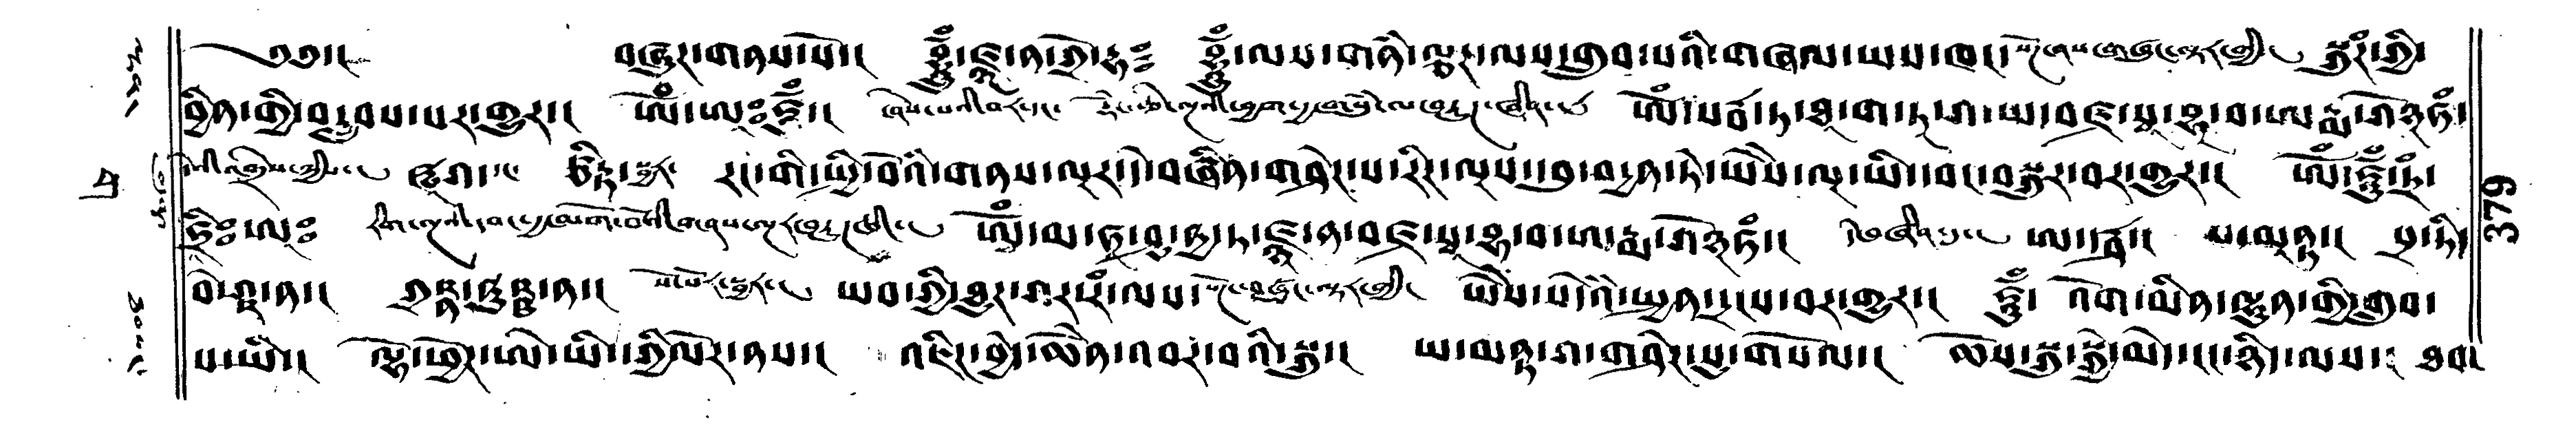བཞུགས་གནས་སོ། བྷྲཱུྃ་ཛྙཱ་ན་ཀྲོ་དྷ། བྷྲཱུྃ་ལས་གནམ་ལྕགས་ལས་གྲུབ་པའི་གཞལ་ཡས་ཁང་སོགས་ནས་གཞུང་ལྟར་བགྱི། སྐུ་གསུང་ཐུགས་ཀྱི་
བྱིན་གྱིས་བརླབས་པར་གྱུར། ཨོཾ་ཨཱཿཧཱུྂ། ཞེས་པའི་བར་དང་། རྡོ་རྗེ་རྩེ་ལྔའི་ཕྱག་རྒྱ་གནས་གསུམ་ལ་བཏུགས་བཞིན། ཨོཾ་སརྦ་ཏ་ཐཱ་ག་ཏ་ཀ་ཡ་བཛྲ་སྭ་བྷཱ་བ་ཨཏྨ་ཀོ྅་ཧཾ། 
དེའི་འགྲེས་ཀྱིས། ཝཱཀ་དང་ཙིཏྟ་སྦྱར། རང་གི་སྤྱི་བོའི་གནས་ལྔར་དེ་བཞིན་གཤེགས་པ་རིགས་ལྔས་དབུ་བརྒྱན་ཏེ་ཡེ་ཤེས་ལྔ་ཡི་དབང་བསྐུར་བར་གྱུར།ཨོཾ་ཧཱུྃ་ཏྲཾ་
ཧྲཱིཿཨཱཿ རིག་ལྔའི་དབང་རྒྱ་མགོ་བོའི་གནས་ལྔར་བཏུགས་ཅིང་། ཨོཾ་མ་ཧཱ་ཤུ་ནྱ་ཏ་ཛྙཱ་ན་བཛྲ་སྭ་བྷ་བ་ཨཏྨ་ཀོ྅ཧཾ། དེ་བཞིན་དུ། ཨ་དརྴ། ས་མནྟ། པྲ་ཏི་
བེཀྵ་ན། ཀྲིཤྣ་ནུཥྛ་ན། སོ་སོར་སྦྱར། ཡབ་ཀྱི་ཐུགས་ཀར་རཾ་ལས་སོགས་བཞུང་ལྟར་བགྱི ། ཡེ་ཤེས་སེམས་དཔའ་སྤྱན་དྲངས་བར་གྱུར། ཧཱུྃ། འོག་མིན་ལྷུན་གྱི་གྲུབ་
པ་ཡི། །ལྷོ་ཕྱོགས་ཨེ་ཡི་དཀྱིལ་འཁོར་ནས། །འཇིགས་བྱེད་ཆེན་པོ་འབར་བའི་སྐུ། །ཡ་མནྟ་ཀ་གཤེགས་སུ་གསོལ། །ཆོས་སྐུ་སྐྱེ་མེད་ངང་ཉིད་ལས། །ཐབས་